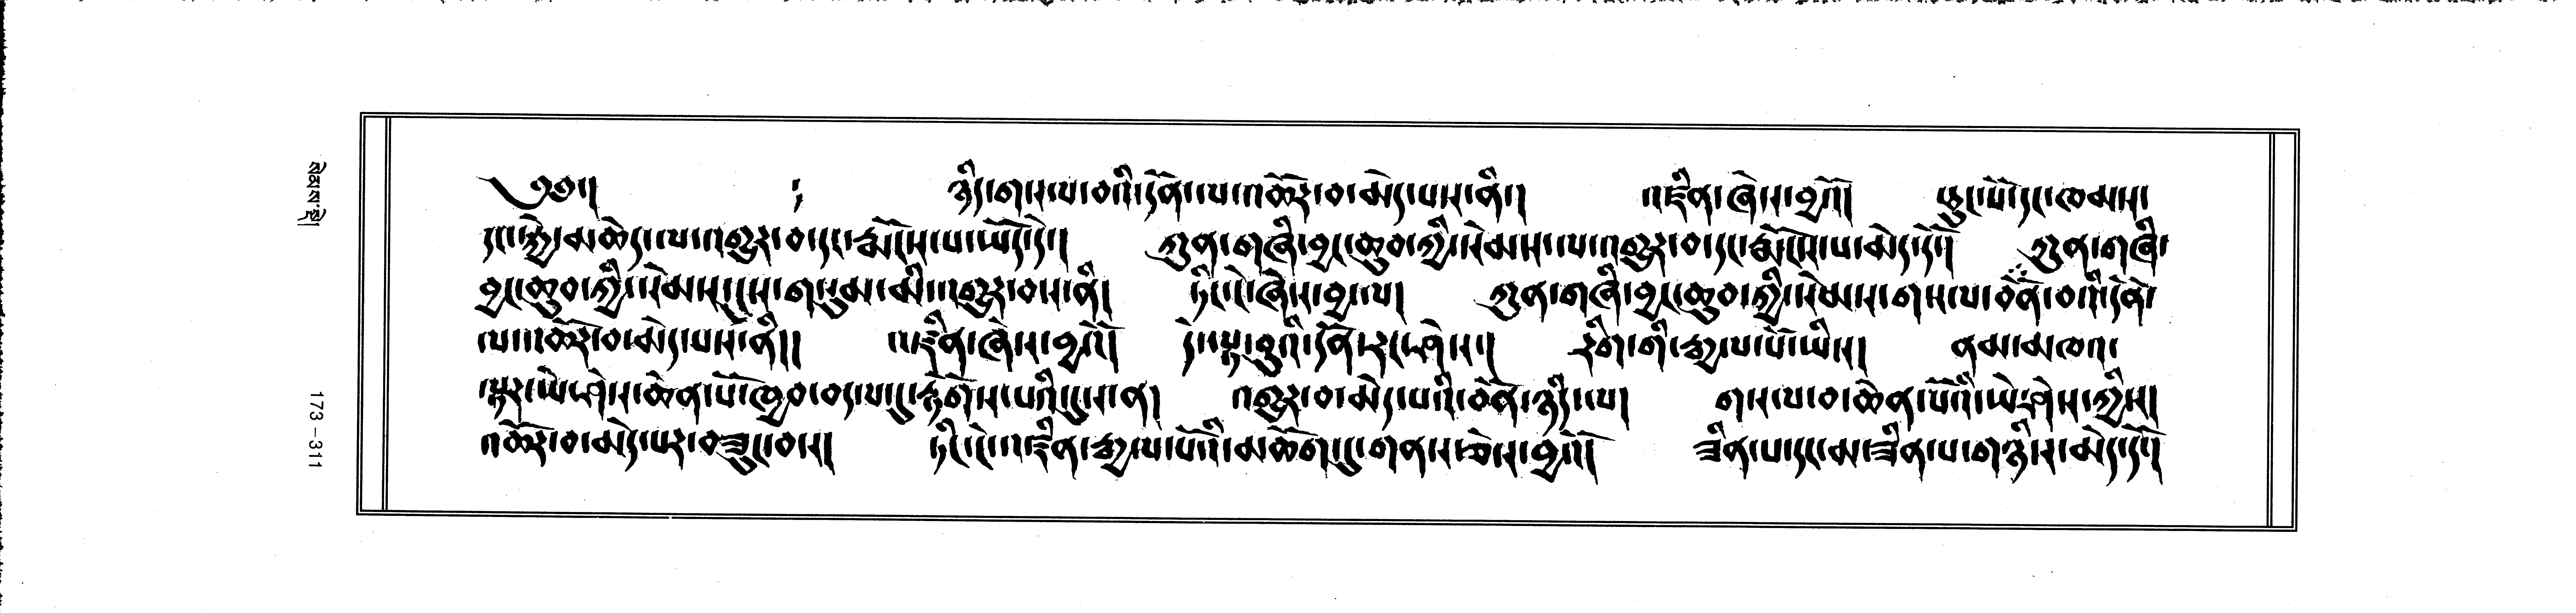ཉིད་གསལ་བའི་དོན་ལ་འཆོར་བ་མེད་པས་ནི། འཛིན་ཞེས་བྱའོ། །ཕུང་པོ་དང་ཁམས་
དང་སྐྱེ་མཆེད་ལ་འགྱུར་བ་དང་རྨོངས་པ་ཡོད་དེ། ཀུན་གཞི་བྱང་ཆུབ་ཀྱི་སེམས་ལ་འགྱུར་བ་དང་རྨོངས་པ་མེད་དོ། །ཀུན་གཞི་
བྱང་ཆུབ་ཀྱི་སེམས་དུས་གསུམ་དུ་མི་འགྱུར་བས་ནི། ཏིང་ངེ་ཞེས་བྱ་ལ། ཀུན་གཞི་བྱང་ཆུབ་ཀྱི་སེམས་གསལ་བའི་དོན་
ལ་འཆོར་བ་མེད་པས་ནི། འཛིན་ཞེས་བྱའོ། །དེ་ལྟ་བུའི་དོན་རང་ཤེས་རིག་གི་རྒྱལ་པོ་ཡིས། ནམ་མཁའ་
ལྟར་ཡེ་ཤེས་ཆེན་པོ་ཁྱབ་བདལ་ཏུ་རྟོགས་པའི་དུས་ན། འགྱུར་བ་མེད་པའི་བོན་ཉིད་ལ། གསལ་བ་ཆེན་པོའི་ཡེ་ཤེས་ཀྱིས། 
འཆོར་བ་མེད་པར་བཟུང་བས། ཏིང་ངེ་འཛིན་རྒྱལ་པོིའི་མཆོག་ཏུ་གནས་ཅེས་བྱའོ། །ཟིན་པ་མ་མ་ཟིན་པ་གཉིས་མེད་དོ། །